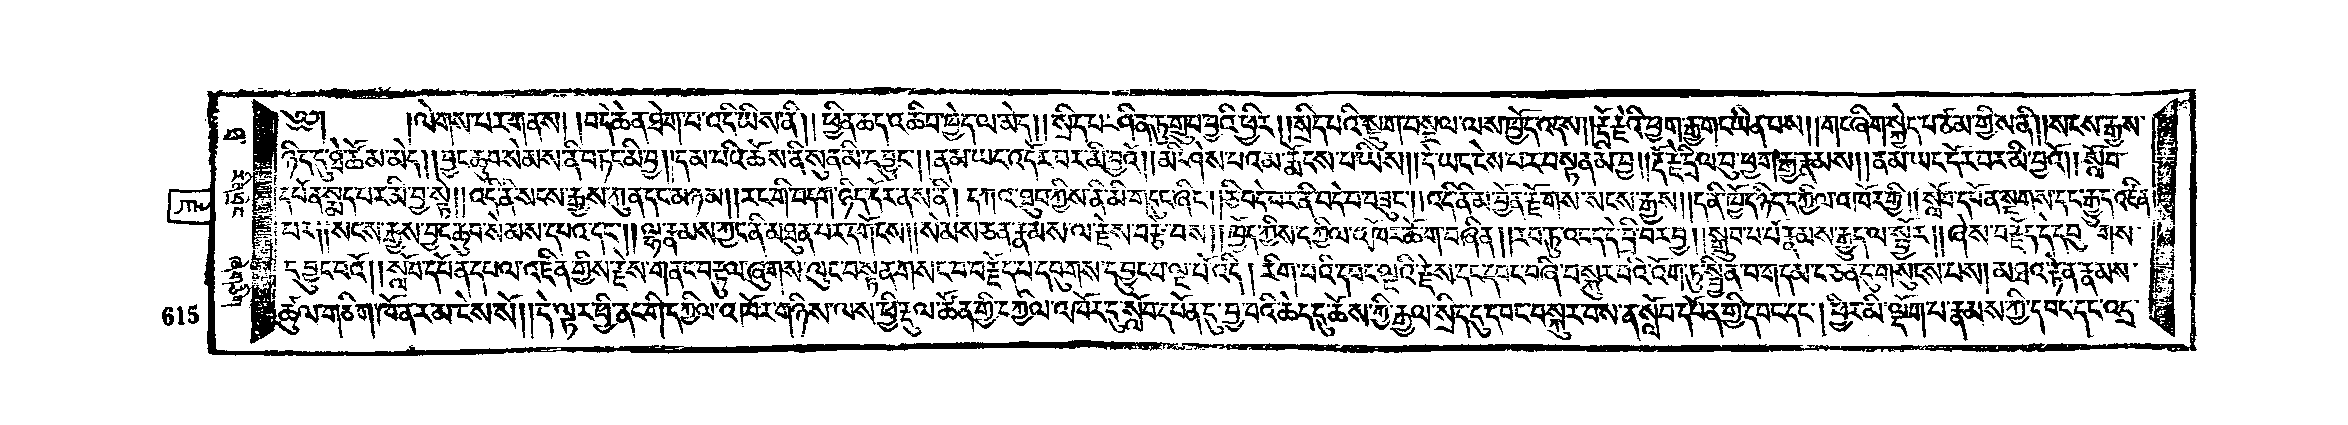༄༅། །ལེགས་པར་གནས། །བདེ་ཆེན་ཐེག་པ་འདི་ཡིས་ནི། །ཕྱིན་ཆད་འཆི་བ་ཕྱེད་ལ་མེད། །སྲིད་པ་ཤིན་ཏུ་གྲུབ་བྱའི་ཕྱིར། །སྲིད་པའི་སྡུག་བསྔལ་ལས་ཁྱོད་འདས། །རྡོ་རྗེའི་ཕྱག་རྒྱ་གང་ཡིན་པས། །གང་ཞིག་སྐྱེད་པ་ཙམ་གྱིས་ནི། །སངས་རྒྱས་
ཉིད་དུ་ཐེ་ཚོམ་མེད། །བྱང་ཆུབ་སེམས་ནི་བཏང་མི་བྱ། །དམ་པའི་ཆོས་ནི་སུན་མི་དབྱུང་། །ནམ་ཡང་འདོར་བར་མི་བྱའོ། །མི་ཤེས་པའམ་རྨོངས་པ་ཡིས། །དེ་ཡང་ངེས་པར་བསྟན་མི་བྱ། །རྡོ་རྗེ་དྲིལ་བུ་ཕྱག་རྒྱ་རྣམས། །ནམ་ཡང་དོར་བར་མི་བྱའོ། །སློབ་
དཔོན་སྨད་པར་མི་བྱ་སྟེ། །འདི་ནི་སངས་རྒྱས་ཀུན་དང་མཉམ། །རང་གི་བདག་ཉིད་དོར་ནས་ནི། དཀའ་ཐུབ་ཀྱིས་ནི་མི་གདུང་ཞིང་། །ཅི་བདེ་བར་ནི་བདེ་བ་བཟུང་། །འདི་ནི་མ་བྱོན་རྫོགས་སངས་རྒྱས། །ད་ནི་ཁྱོད་ཉིད་དཀྱིལ་འཁོར་གྱི། །སློབ་དཔོན་སྔགས་དང་རྒྱུད་འཛིན་
པར། །སངས་རྒྱས་བྱང་ཆུབ་སེམས་དཔའ་དང་། །ལྷ་རྣམས་ཀྱང་ནི་མཐུན་པར་དགོངས། །སེམས་ཅན་རྣམས་ལ་རྗེས་བརྩེ་བས། །ཁྱོད་ཀྱིས་དཀྱིལ་འཁོར་ཆོ་ག་བཞིན། །རབ་ཏུ་འབད་དེ་བྲི་བར་བྱ། །སྒྲུབ་པ་པོ་རྣམས་རྒྱུད་ལ་སྦྱོར། །ཞེས་བརྗོད་དེ་དབུགས་
དབྱུང་བའོ། །སློབ་དཔོན་དཔལ་འཛིན་གྱིས་རྗེས་གནང་བརྟུལ་ཞུགས་ལུང་བསྟན་གསང་བ་བརྗོད་པ་དབུགས་དབྱུང་བ་ལྔ་པོ་འདི། རིག་པའི་དབང་ལྔའི་རྗེས་དང་དབང་བཞི་བསྐུར་བའི་འོག་ཏུ་སྦྱིན་པ་གདམ་པ་ཅན་དུ་གསུངས་པས། མཐའ་རྟེན་རྣམས་
ཚུལ་གཅིག་ཁོ་ནར་མ་ངེས་སོ། །དེ་ལྟར་ཕྱི་ནང་གི་དཀྱིལ་འཁོར་གཉིས་ལས་ཕྱི་རྡུལ་ཚོན་གྱི་དཀྱིལ་འཁོར་དུ་སློབ་དཔོན་དུ་བྱ་བའི་ཆེད་དུ་ཆོས་ཀྱི་རྒྱལ་སྲིད་དུ་དབང་བསྐུར་བས་ན་སློབ་དཔོན་གྱི་དབང་དང་། ཕྱིར་མི་ལྡོག་པ་རྣམས་ཀྱི་དབང་དང་འདྲ་